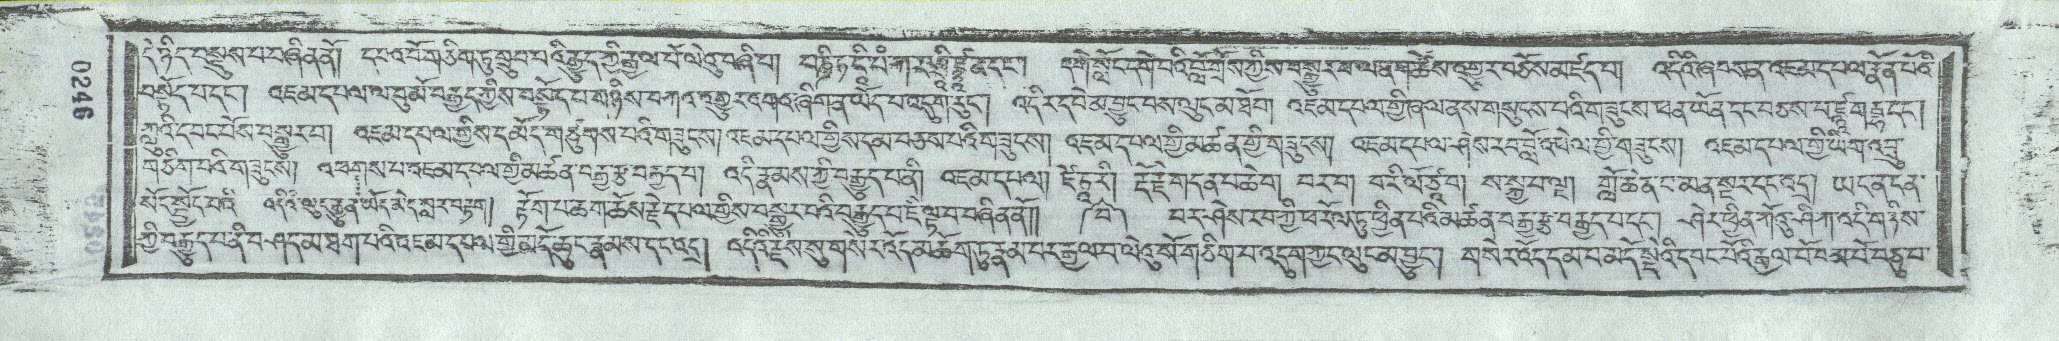དེ་ཉིད་བསྡུས་པ་བཞིན་ནོ། དཔའ་བོ་གཅིག་ཏུ་གྲུབ་པའི་རྒྱུད་ཀྱི་རྒྱལ་པོ་ལེའུ་བཞི་བ། པཎྜི་ཏ་དཱི་པཾ་ཀ་ར་ཤྲཱི་ཛྙཱ་ན་དང་། དགེ་སློང་དགེ་བའི་བློ་གྲོས་ཀྱིས་བསྒྱུར་བ་ལ་ནག་ཚོས་འགྱུར་བཅོས་མཛད་པ། འདིའི་ཞབས་ན་འཇམ་དཔལ་རྣོན་པོའི་
བསྟོད་པ་དང་། འཇམ་དཔལ་ལ་བུ་མོ་བརྒྱད་ཀྱིས་བསྟོད་པ་གཉིས་བཀའ་འགྱུར་འགའ་ཞིག་ན་ཡོད་པ་འདུག་རུང་། འདིར་དཔེ་མ་བྱུང་བས་ལུང་མ་ཐོབ། འཇམ་དཔལ་གྱི་ཞལ་ནས་གསུངས་པའི་གཟུངས་ཕན་ཡོད་དང་བཅས་པ་ཛྙཱ་ག་རྦྷ་དང་།
ཀླུའི་དབང་པོས་བསྒྱུར་བ། འཇམ་དཔལ་གྱིས་དམོད་གཙུགས་པའི་གཟུངས། འཇམ་དཔལ་ཀྱིས་དམ་བཅས་པའི་གཟུངས། འཇམ་དཔལ་གྱི་མཚན་གྱི་གཟུངས། འཇམ་དཔལ་ཤེས་རབ་བློ་འཕེལ་གྱི་གཟུངས། འཇམ་དཔལ་གྱི་ཡིག་འབྲུ་
གཅིག་པའི་གཟུངས། འཕགས་པ་འཇམ་དཔལ་གྱི་མཚན་བརྒྱ་རྩ་བརྒྱད་པ། འདི་རྣམས་ཀྱི་བརྒྱད་པ་ནི། འཇམ་དཔལ། ཛེ་ཏཱ་རི། རྡོ་རྗེ་གདན་པ་ཆེ་བ། བར་པ། བ་རི་ལོ་ཙཱ་བ། ས་སྐྱ་བ་ལྔ། གློ་ཆེན་པ་མན་སྔར་དང་འདྲ། ཡང་ན་དན་
སོང་སྦྱོང་བའི་འདིའི་ལུང་རྒྱུན་ཡོན་མེད་སླར་བརྟག། རྟོག་པ་ཆ། །ཆོས་རྗེ་དཔལ་གྱིས་སྐྱུར་པའི་བརྒྱུད་པ་ཇི་ལྟར་པ་བཞིན་ནོ།། {བ}་པར་ཤེས་རབ་ཀྱི་ཕ་རོལ་ཏུ་ཕྱིན་པའི་མཚན་བརྒྱ་རྩ་བརྒྱད་པ་དང་། ཤེར་ཕྱིན་ཀོའུ་ཤི་ཀ་འདི་གཉིས་
ཀྱི་བརྒྱུད་པ་ནི་བཤད་མ་ཐག་པའི་འཇམ་དཔལ་གྱི་མདོ་ཆུང་རྣམས་དང་འདྲ། འདིའི་རྗེས་སུ་གསེར་འོད་མཆོག་ཏུ་རྣམ་པར་རྒྱལ་བ་ལེའུ་སོ་གཅིག་པ་འདུག་ཀྱང་ལུང་མ་བྱུང་། གསེར་འོད་དམ་པ་མདོ་སྡེའི་དབང་པོའི་རྒྱལ་པོ་བམ་པོ་བཅུ་བ་